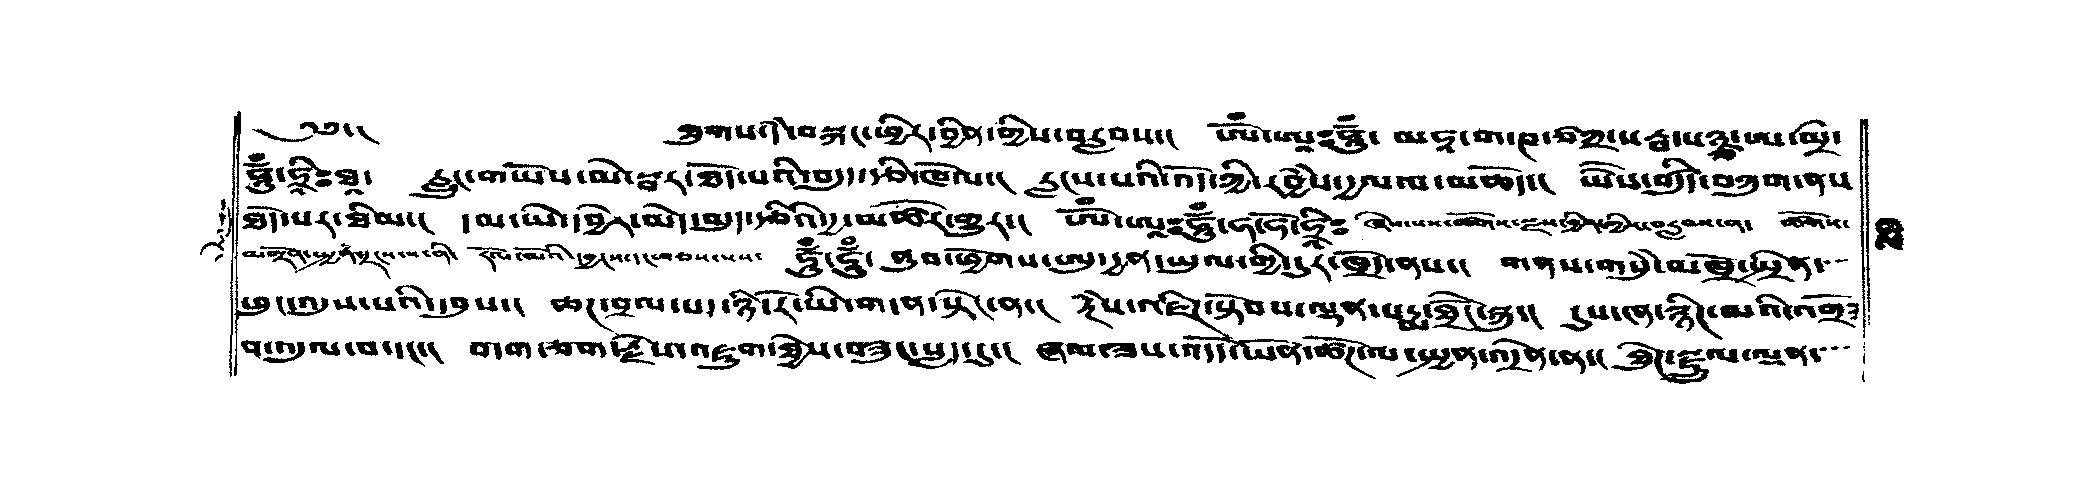ཐུགས་དམ་བསྐང་ཕྱིར་བྱིན་གྱིས་བརླབས། །ཨོྃ་ཨཱཿཧཱུྃ། མ་ཧཱ་ག་ཎ་ཙ་ཀྲ་སརྦ་པཉྩ་ཨ་མྲྀ་
ཏ་ཧཱུྃ་ཧྲྀཿཐཱ། རླུང་གཡོས་མེ་སྦར་ཐོད་པའི་བདུད་རྩི་ཁོལ། །རླངས་པའི་འོད་ཀྱི་རབ་འབྱམས་རྒྱལ་བ་མཆོད། །ཡེ་ཤེས་བདུད་རྩི་བཀུག་ནས་
ཐོད་པར་ཐིམ། །དམ་ཡེ་དབྱེར་མེད་བདུད་རྩིའི་རྒྱ་མཚོར་གྱུར། །ཨོྃ་ཨཱ་ཧཱུྃ་ཧ་ཧོ་ཧྲཱིཿཞེས་པས་མཆོད་རྫས་བྱིན་གྱིས་བརླབ་ན། ཚོགས་
མགྲོན་སྤྱན་དྲངས་པ་ནི། རོལ་མོའི་དབྱངས་དང་བཅས་པས། ཧཱུྃ་ཧཱུྃ། ནུབ་ཕྱོགས་ཨུ་རྒྱན་ཡུལ་གྱི་དུར་ཁྲོད་ནས། །གནས་གསུམ་མཁའ་འགྲོ་སྤྲིན་
ཕུང་འདུས་པའི་དབུས། །ཆགས་བྲལ་པད་ཉི་རོ་ཡི་གདན་སྟེང་དུ། །རྔམས་འཇིགས་སྟོབས་ལྡན་པདྨ་ཐོད་ཕྲེང་རྩལ། །དུས་ངན་སྙིགས་མའི་འགྲོ་
བ་འདུལ་བ་དང་། །བདག་ཅག་རྗེས་འཇུག་ཐུགས་རྗེས་བཟུང་སླད་དུ། །ཞལ་ཟས་འདོད་ཡོན་ཚོགས་ལ་སྤྱན་འདྲེན་ན། །ཐུགས་རྗེ་རྫུ་འཕྲུལ་ལྡན་